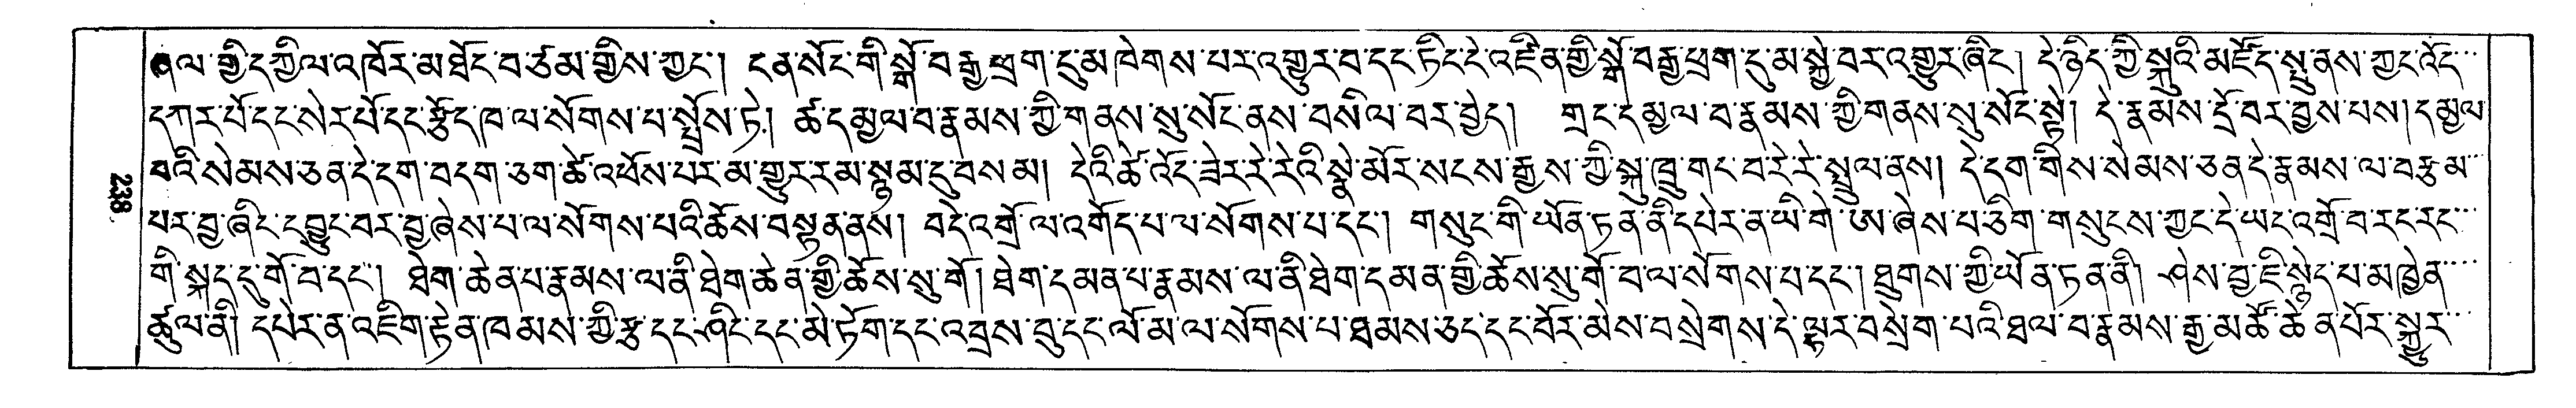ཞལ་གྱི་དཀྱིལ་འཁོར་མཐོང་བ་ཙམ་གྱིས་ཀྱང་། ངན་སོང་གི་སྒོ་བརྒྱ་ཕྲག་དུ་མ་ཁེགས་པར་འགྱུར་བ་དང་ཏིང་ངེ་འཛིན་གྱི་སྒོ་བརྒྱ་ཕྲག་དུ་མ་སྐྱེ་བར་འགྱུར་ཞིང་། དེ་ཉིད་ཀྱི་སྐུའི་མཛོད་སྤུ་ནས་ཀྱང་འོད་
དཀར་པོ་དང་སེར་པོ་དང་རྩོང་ཁ་ལ་སོགས་པ་སྤྲོས་ཏེ། ཚ་དམྱལ་བ་རྣམས་ཀྱི་གནས་སུ་སོང་ནས་བསིལ་བར་བྱེད། གྲང་དམྱལ་བ་རྣམས་ཀྱི་གནས་སུ་སོང་སྟེ། དེ་རྣམས་དྲོ་བར་བྱས་པས། དམྱལ་
བའི་སེམས་ཅན་དེ་དག་བདག་ཅག་ཚེ་འཕོས་པར་མ་གྱུར་རམ་སྙམ་དུ་བསམ། དེའི་ཚེ་འོད་ཟེར་རེ་རེའི་སྣེ་མོར་སངས་རྒྱས་ཀྱི་སྐུ་ཁྲུ་གང་པ་རེ་རེ་སྤྲུལ་ནས། དེ་དག་གིས་སེམས་ཅན་དེ་རྣམས་ལ་བརྩམ་
པར་བྱ་ཞིང་དབྱུང་བར་བྱ་ཞེས་པ་ལ་སོགས་པའི་ཆོས་བསྟན་ནས། བདེ་འགྲོ་ལ་འགོད་པ་ལ་སོགས་པ་དང་། གསུང་གི་ཡོན་ཏན་ནི་དཔེར་ན་ཡི་གེ་ཨ་ཞེས་པ་ཅིག་གསུངས་ཀྱང་དེ་ཡང་འགྲོ་བ་རང་རང་
གི་སྐད་དུ་གོ་བ་དང་། ཐེག་ཆེན་པ་རྣམས་ལ་ནི་ཐེག་ཆེན་གྱི་ཆོས་སུ་གོ། ཐེག་དམན་པ་རྣམས་ལ་ནི་ཐེག་དམན་ཀྱི་ཆོས་སུ་གོ་བ་ལ་སོགས་པ་དང་། ཐུགས་ཀྱི་ཡོན་ཏན་ནི། ཤེས་བྱ་ཛི་སྙེད་པ་མཁྱེན་
ཚུལ་ནི། དཔེར་ན་འཇིག་རྟེན་ཁམས་ཀྱི་རྩ་དང་ཤིང་དང་མེ་ཏོག་དང་འབྲས་བུ་དང་ལོ་མ་ལ་སོགས་པ་ཐམས་ཅད་དང་པོར་མེས་བསྲེགས་དེ་ལྟར་བསྲེག་པའི་ཐལ་བ་རྣམས་རྒྱ་མཚོ་ཆེན་པོར་སྐྱུར་